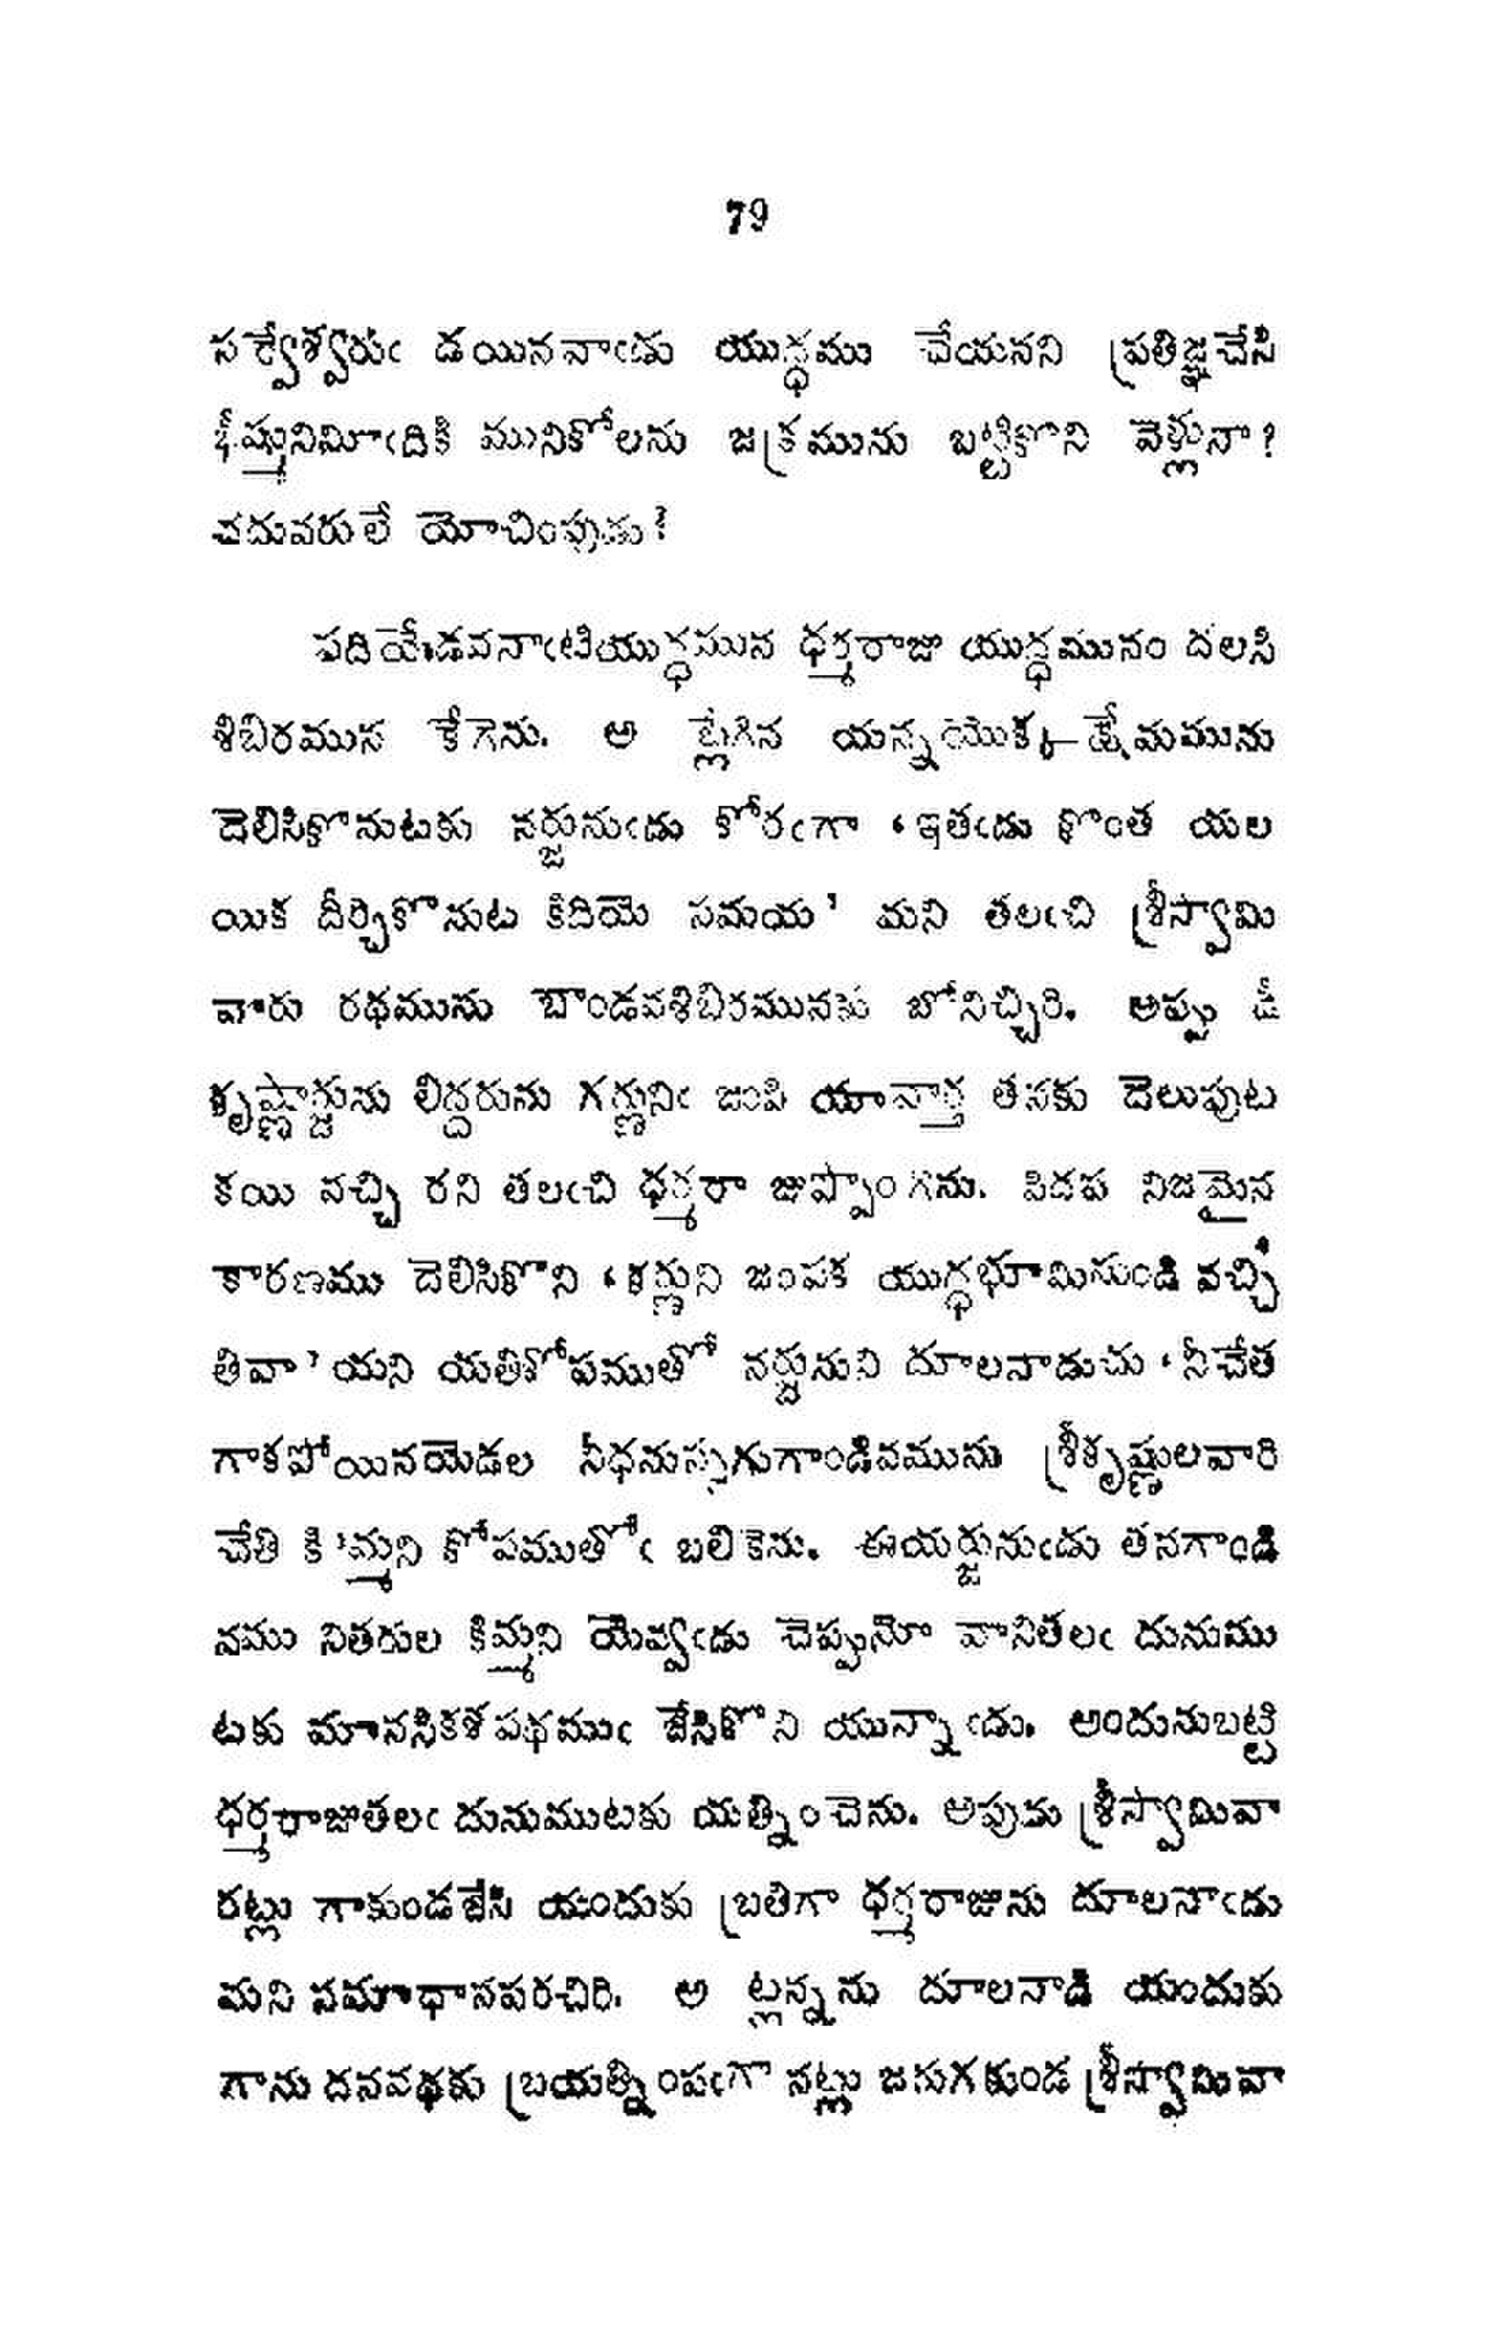సర్వేశ్వరుఁ డయినవాఁడు యుద్ధము చేయనని ప్రతిజ్ఞచేసి భీష్మునిమీఁదికి మునికోలను జక్రమును బట్టికొని వెళ్లునా? చదువరులే యోచింపుడు ?

పదియేఁడవనాఁటియుద్ధమున ధర్మరాజు యుద్ధమునం దలసి శిబిరమున కేగెను. అట్లేగిన యన్నయొక్క క్షేమమును దెలిసికొనుటకు నర్జునుఁడు కోరఁగా 'ఇతఁడు కొంత యలయిక దీర్చికొనుట కిదియె సమయ' మని తలఁచి శ్రీస్వామివారు రథమును బాండవశిభిరమునకు బోనిచ్చిరి. అప్పు డీ
కృష్ణార్జును లిద్దరును గర్ణునిఁ జంపి యావార్త తనకు దెలుపుటకయి వచ్చి రని తలఁచి ధర్మరా జుప్పొంగెను. పిదప నిజమైన కారణము దెలిసికొని 'కర్ణుని జంపక యుద్ధభూమినుండి వచ్చితివా ' యని యతికోపముతో నర్జునుని దూలనాడుచు 'నీచేత గాకపోయినయెడల నీధనుస్సుగుగాండివ మును శ్రీకృష్ణులవారి చేతి కి 'మ్మని కోపముతోఁ బలికెను. ఈయర్జునుఁడు తనగాండివము నితరుల కిమ్మని యెవ్వఁడు చెప్పునో వానితలఁ దునుముటకు మానసికశపథముఁ జేసికొని యున్నాఁడు. అందునుబట్టి ధర్మరాజుతలఁ దునుముటకు యత్నించెను. అపుడు శ్రీస్వామివారట్లు గాకుండజేసి యందుకు బ్రతిగా ధర్మరాజును దూలనాఁడుమని సమాధానపరచిరి. అ ట్లన్నను దూలనాడి యందుకుగాను దనవథకు బ్రయత్నింపఁగా నట్లు జరుగకుండ శ్రీస్వామివా